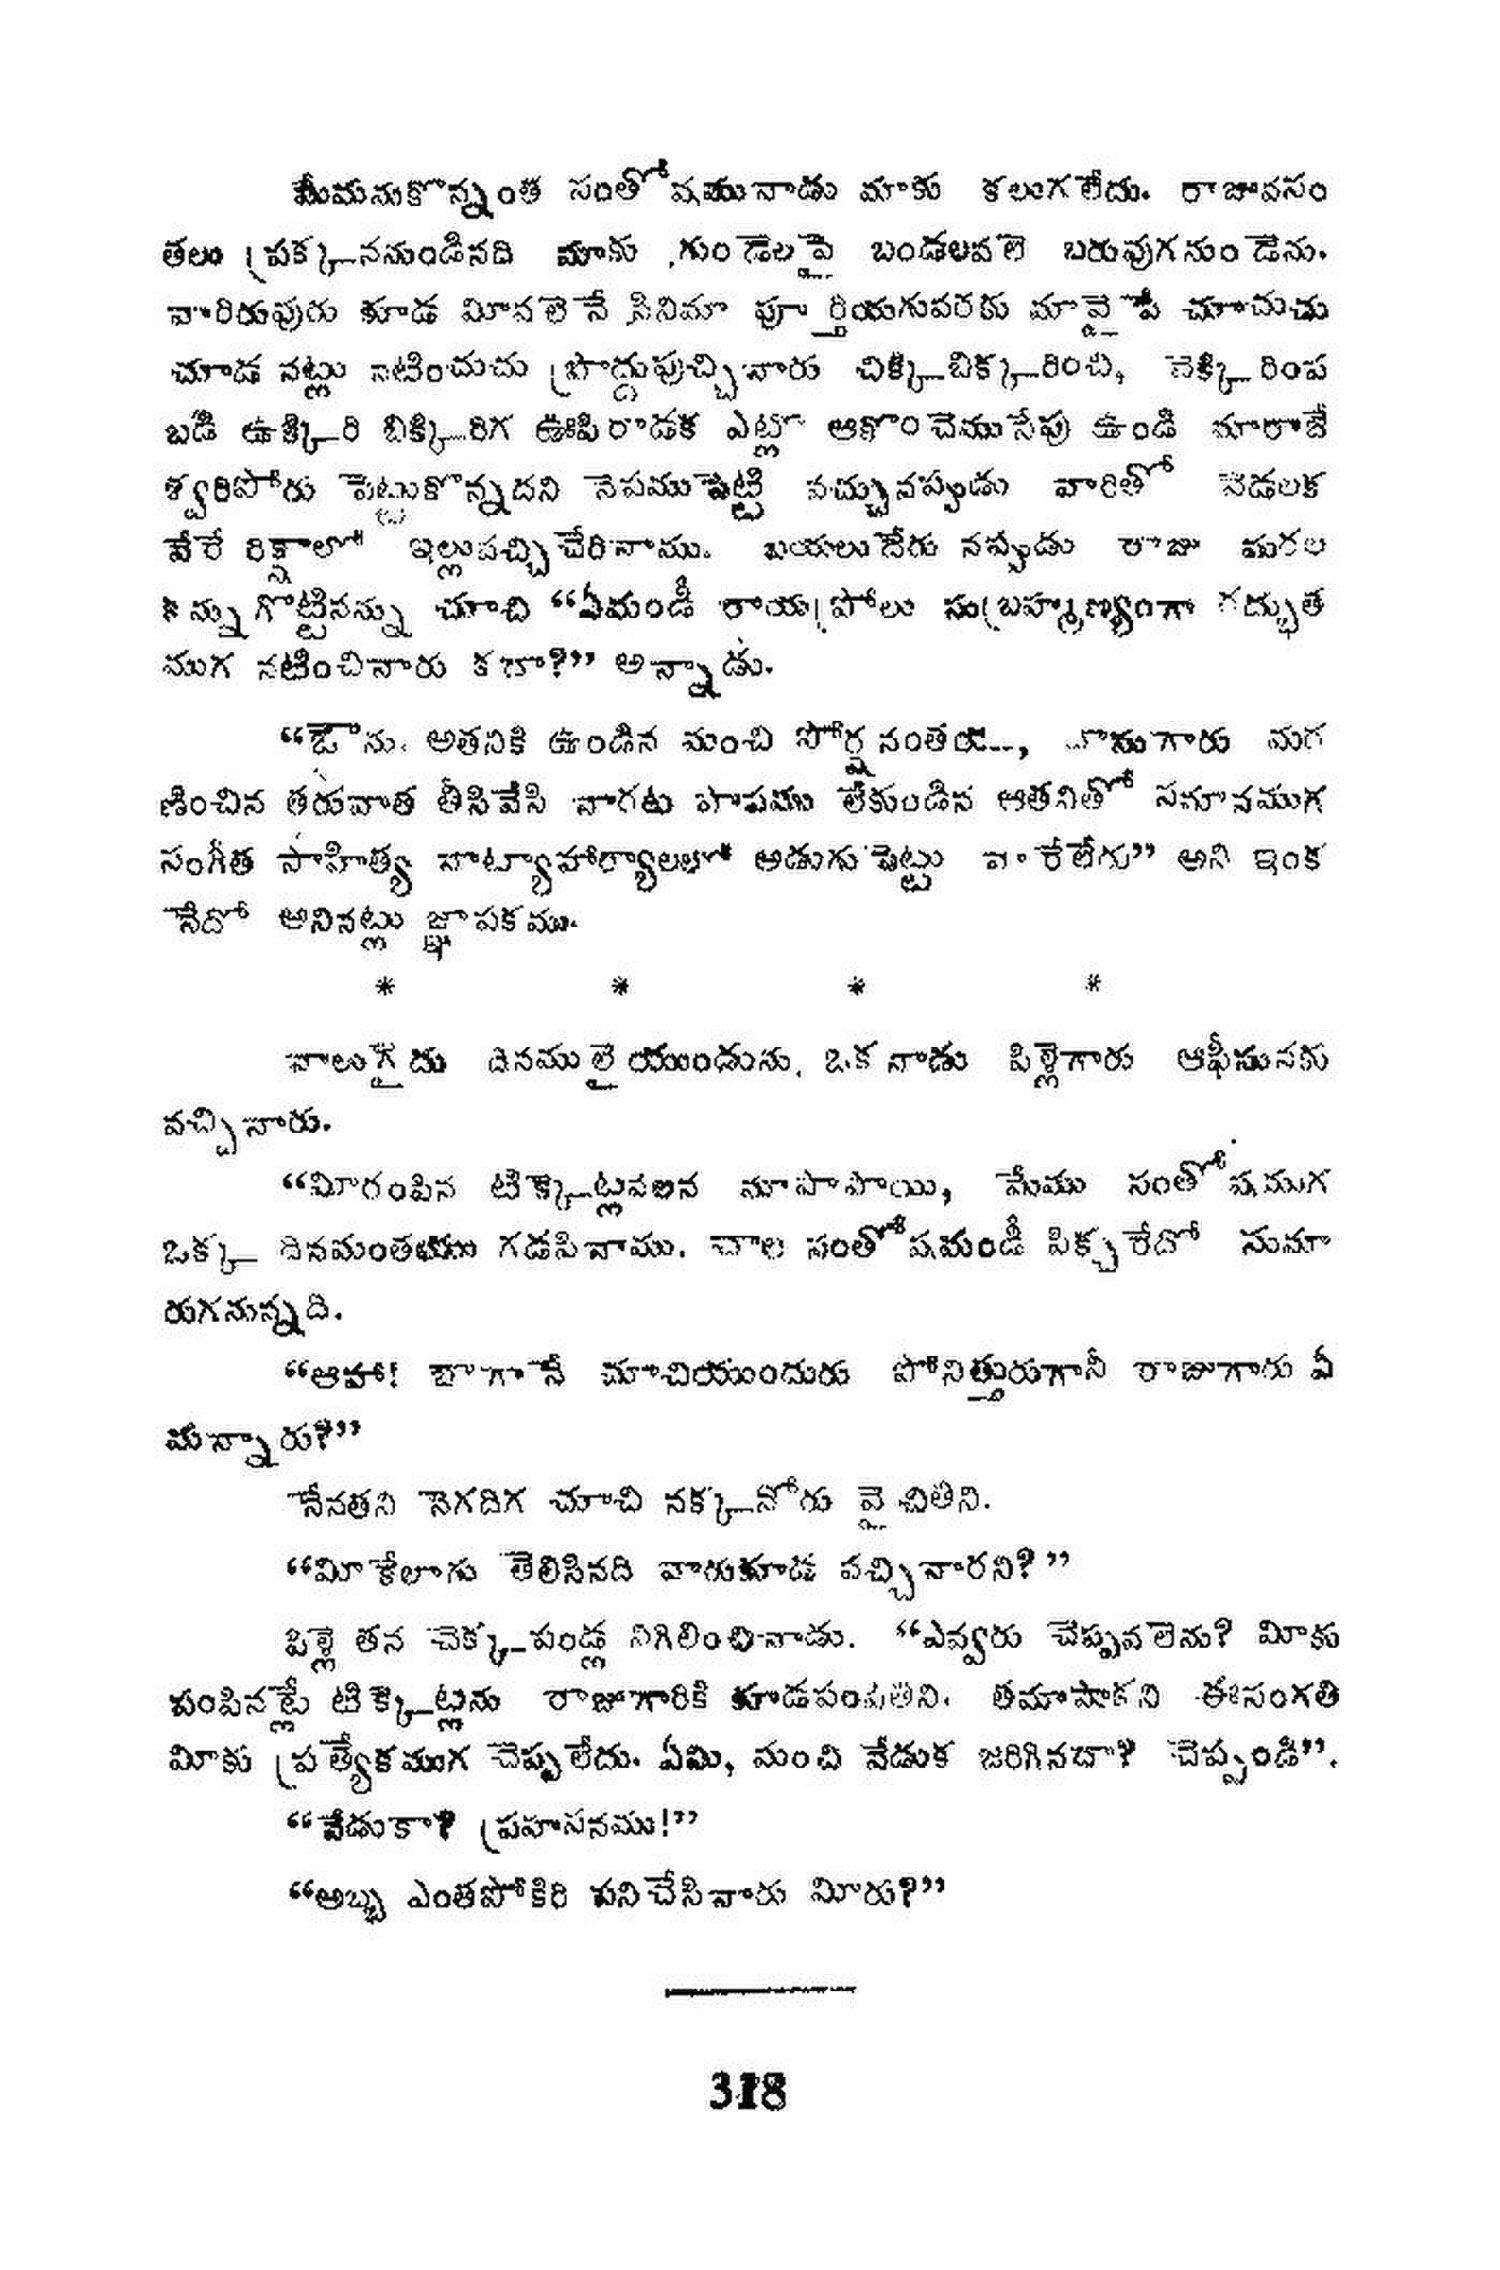మేమనుకొన్నంత సంతోషమునాడు మాకు కలుగలేదు. రాజువసంతలు ప్రక్కననుండినది మాకు గుండేలపై బండవలె బరువుగనుండెను. వారిరువురు కూడ మీవలెనే సినిమా పూర్తిఅగువరకు మావైపే చూచుచు చూడనట్లు నటించు చు ప్రొద్ధుపుచ్చినారు. చిక్కిచిక్కిరించి, వెక్కిరింపబడి ఉక్కిరి బిక్కిరి ఊపెరాడక ఎట్లో ఆకొంచెముసేపు ఉండి మారాజేశ్వరిపోరు పెట్టుకొన్నదని నెపముపెట్టి వచ్చు నప్పుడు వారితో వెడలక వేరే రిక్షాలో ఇల్లువచ్చిచేరినాము. బయలుదేరు నప్పుడు రాజు మరల కన్నుగొట్టినన్ను చూచి "ఎమండీ రాయప్రోలు సుబ్రహ్యణ్యంగా రద్బుతముగ నటించినారు కదా?" అన్నాడు. 

 "ఔను అతనికి ఉంచిన మంచి పోర్షనంతయు"---, వాసుగారు మరణించిన తరువాత తీసివేసి నారట పాపము లేకుండిన అతనితో సమానముగ సంగీత సాహిత్య నాట్యాహార్యాలలో అడుగుపెట్టు వారేలేరు" అని ఇంక నేదో అనినట్లు జ్ఞాపకము.
 * * * *
 నాలుగైదు దినములైయుండును. ఒకనాడు పెళ్లెగారు ఆఫీసునకు వచ్చినారు.

 "మీరంపిన టిక్కెట్లవలన మాపాపాయి, మేము సంతోషముగ ఒక్క దినమంతయు గడిపినాము. చాల సంతోషమండీ పిక్చరేదోసుమారుగనున్నది.

 "ఆహా! బాగానే చూచియుందురు పోనిత్తురుగానీ రాజుగారు ఏమన్నారు?"
 నేనతని నెగదిగ చూచి నక్కనోరు వైచితిని.
 "మీకేలాగు తెలిసినది వారుకూడవచ్చినారని?"
 పిళ్లె తన చెక్కపంద్ల నిగిలించినాడు. "ఎవ్వరు చెప్పవలెను? మీకు పంపినట్లే టిక్కెట్లను రాజుగారికి కూడపంపితిని. తమాషాకని ఈసంగతి మీకు ప్రత్యేకముగ చెప్పెలేదు. ఏమి, మంచి వేడుక జరిగినదా? చెప్పండి".
 "వేడుకా? ప్రహసనము!"
 "అబ్బ ఎంతపోకిరి పనిచేసినారు మీరు?"
 -----